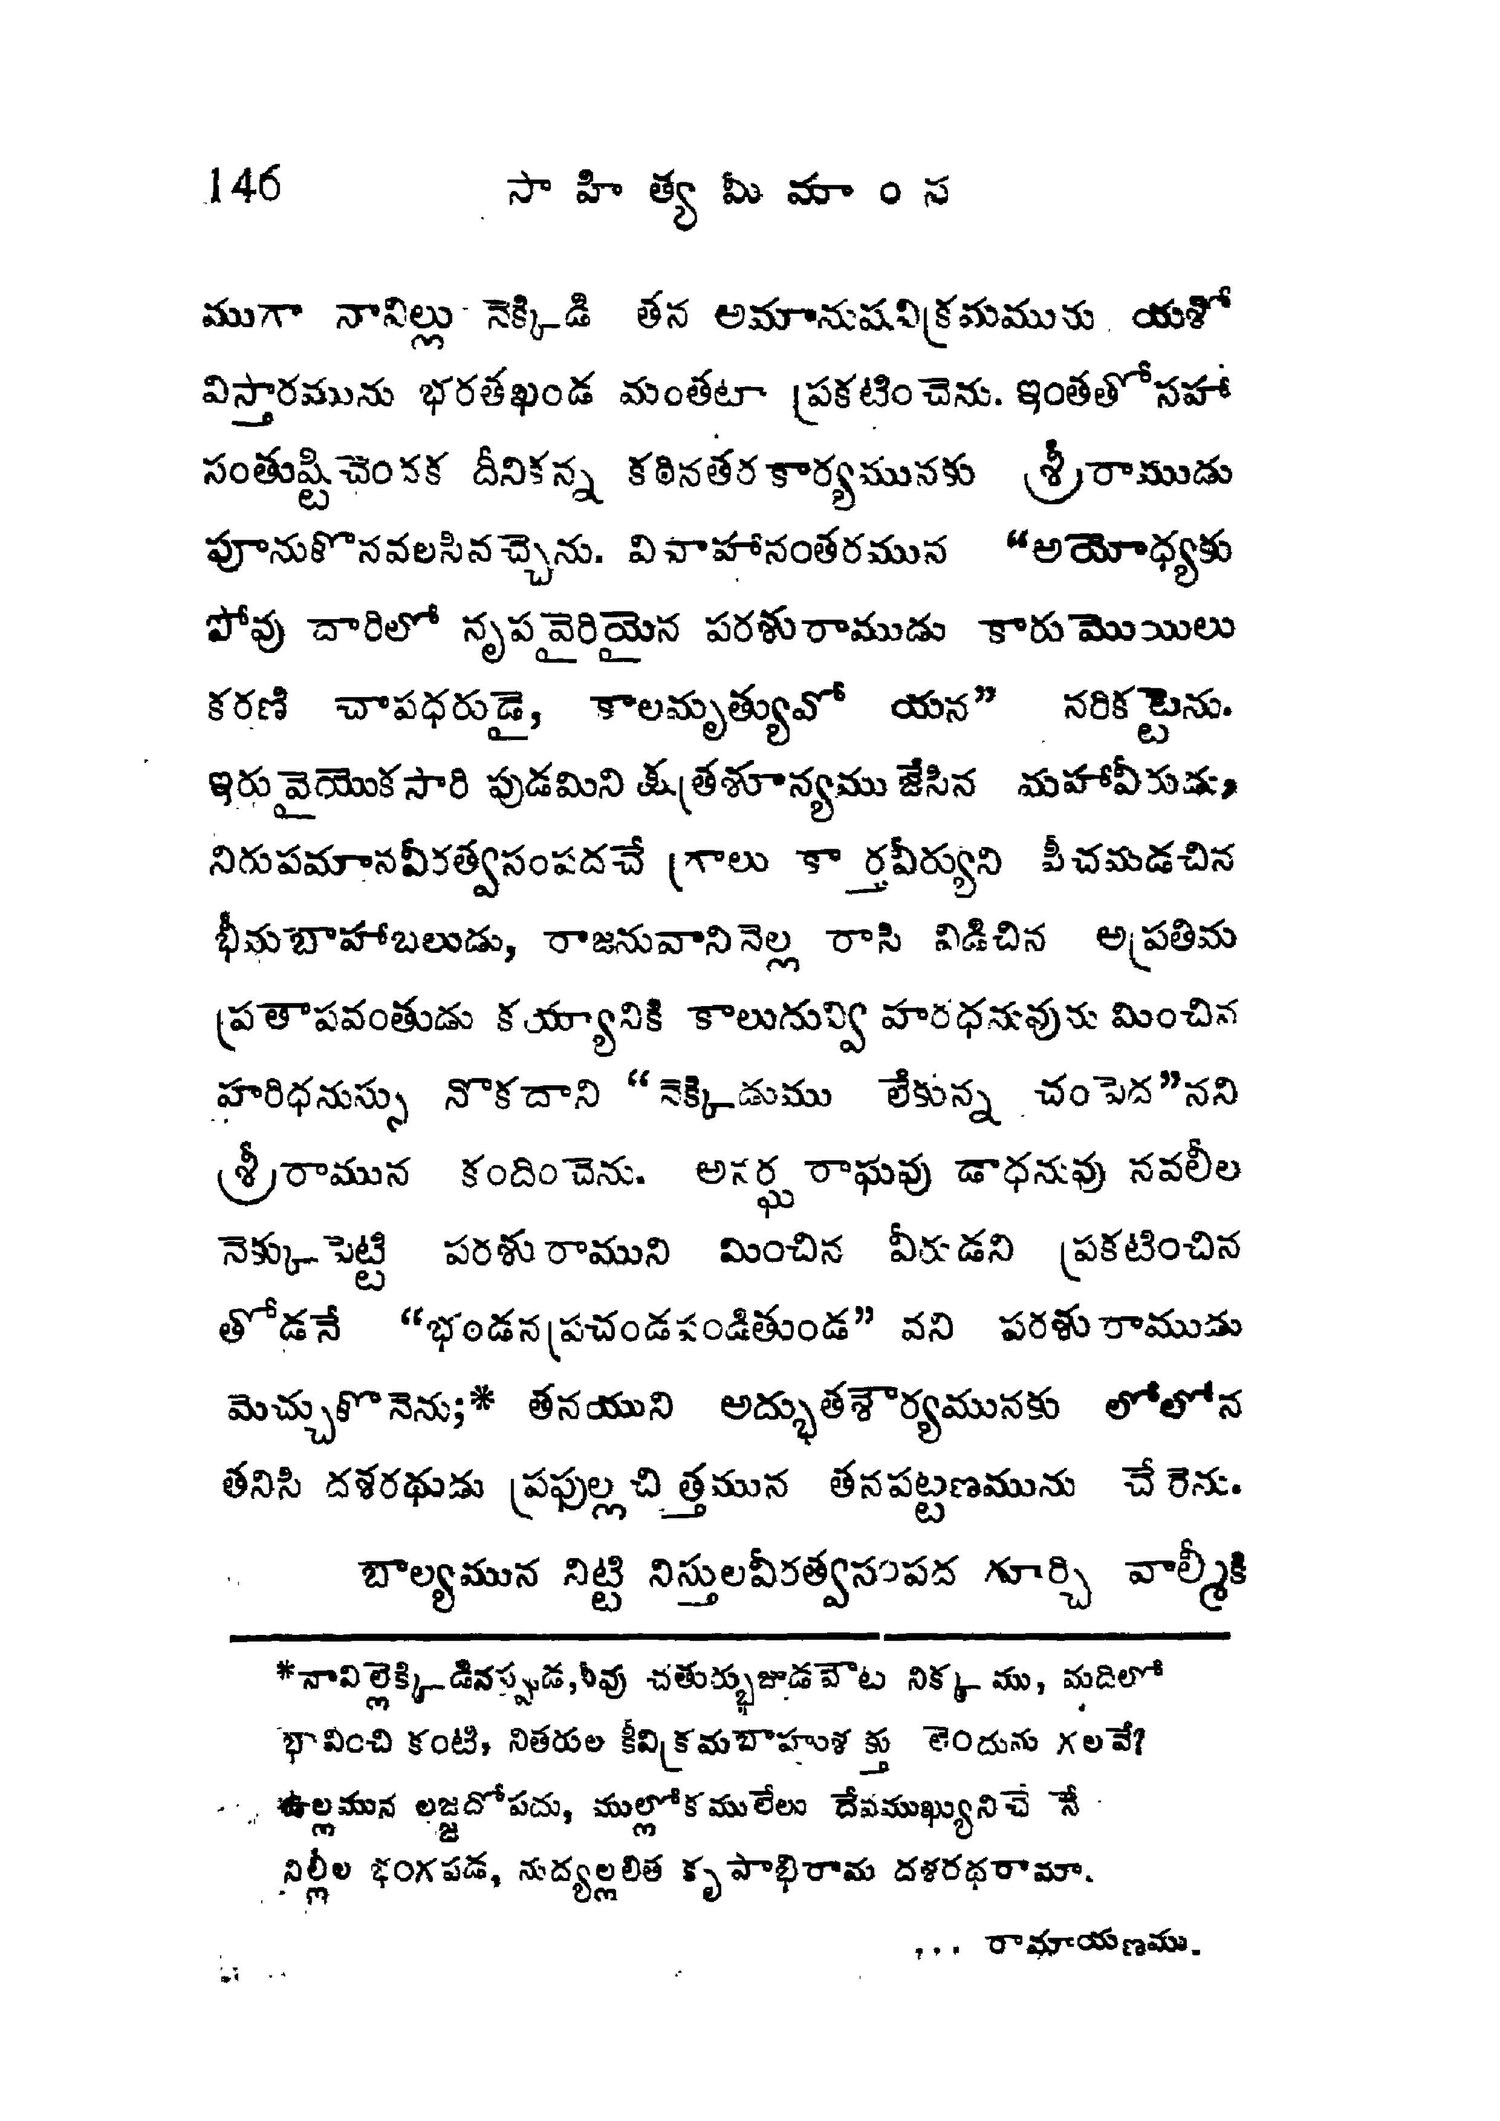ముగా నావిల్లు నెక్కిడి తన అమానుషవిక్రమమును యశో విస్తారమును భరతఖండ మంతటా ప్రకటించెను. ఇంతతోసహా సంతుష్టి చెందక దీనికన్న కఠినతరకార్యమునకు శ్రీరాముడు పూనుకొనవలసివచ్చెను. వివాహానంతరమున "అయోధ్యకు పోవు దారిలో నృపవైరియైన పరశురాముడు కారుమొయిలు కరణి చాపధరుడై, కాలమృత్యువో యన" నరికట్టెను.ఇరువైయొకసారి పుడమిని క్షత్రశూన్యముజేసిన మహావీరుడు, నిరుపమానవీరత్వసంపదచే గ్రాలు కార్తవీర్యుని పీచమడచిన భీమబాహాబలుడు, రాజనువానినెల్ల రాసి విడిచిన ఆప్రతిమ ప్రతాపవంతుడు కయ్యానికి కాలుదువ్వి హరధనువును మించిన హరిధనుస్సు నొకదాని "నెక్కిడుము లేకున్న చంపెద" నని శ్రీరామున కందించెను. అనర్ఘ రాఘవు డాధనువు నవలీల నెక్కుపెట్టి పరశురాముని మించిన వీరుడని ప్రకటించిన తోడనే "భండనప్రచండపండితుండ" వని పరశురాముడు మెచ్చుకొనెను;*
తనయుని అద్భుతశౌర్యమునకు లోలోన తనిసి దశరథుడు ప్రపుల్ల చిత్తమున తనపట్టణమును చేరెను.

బాల్యమున నిట్టి నిస్తులవీరత్వసంపద గూర్చి వాల్మీకి